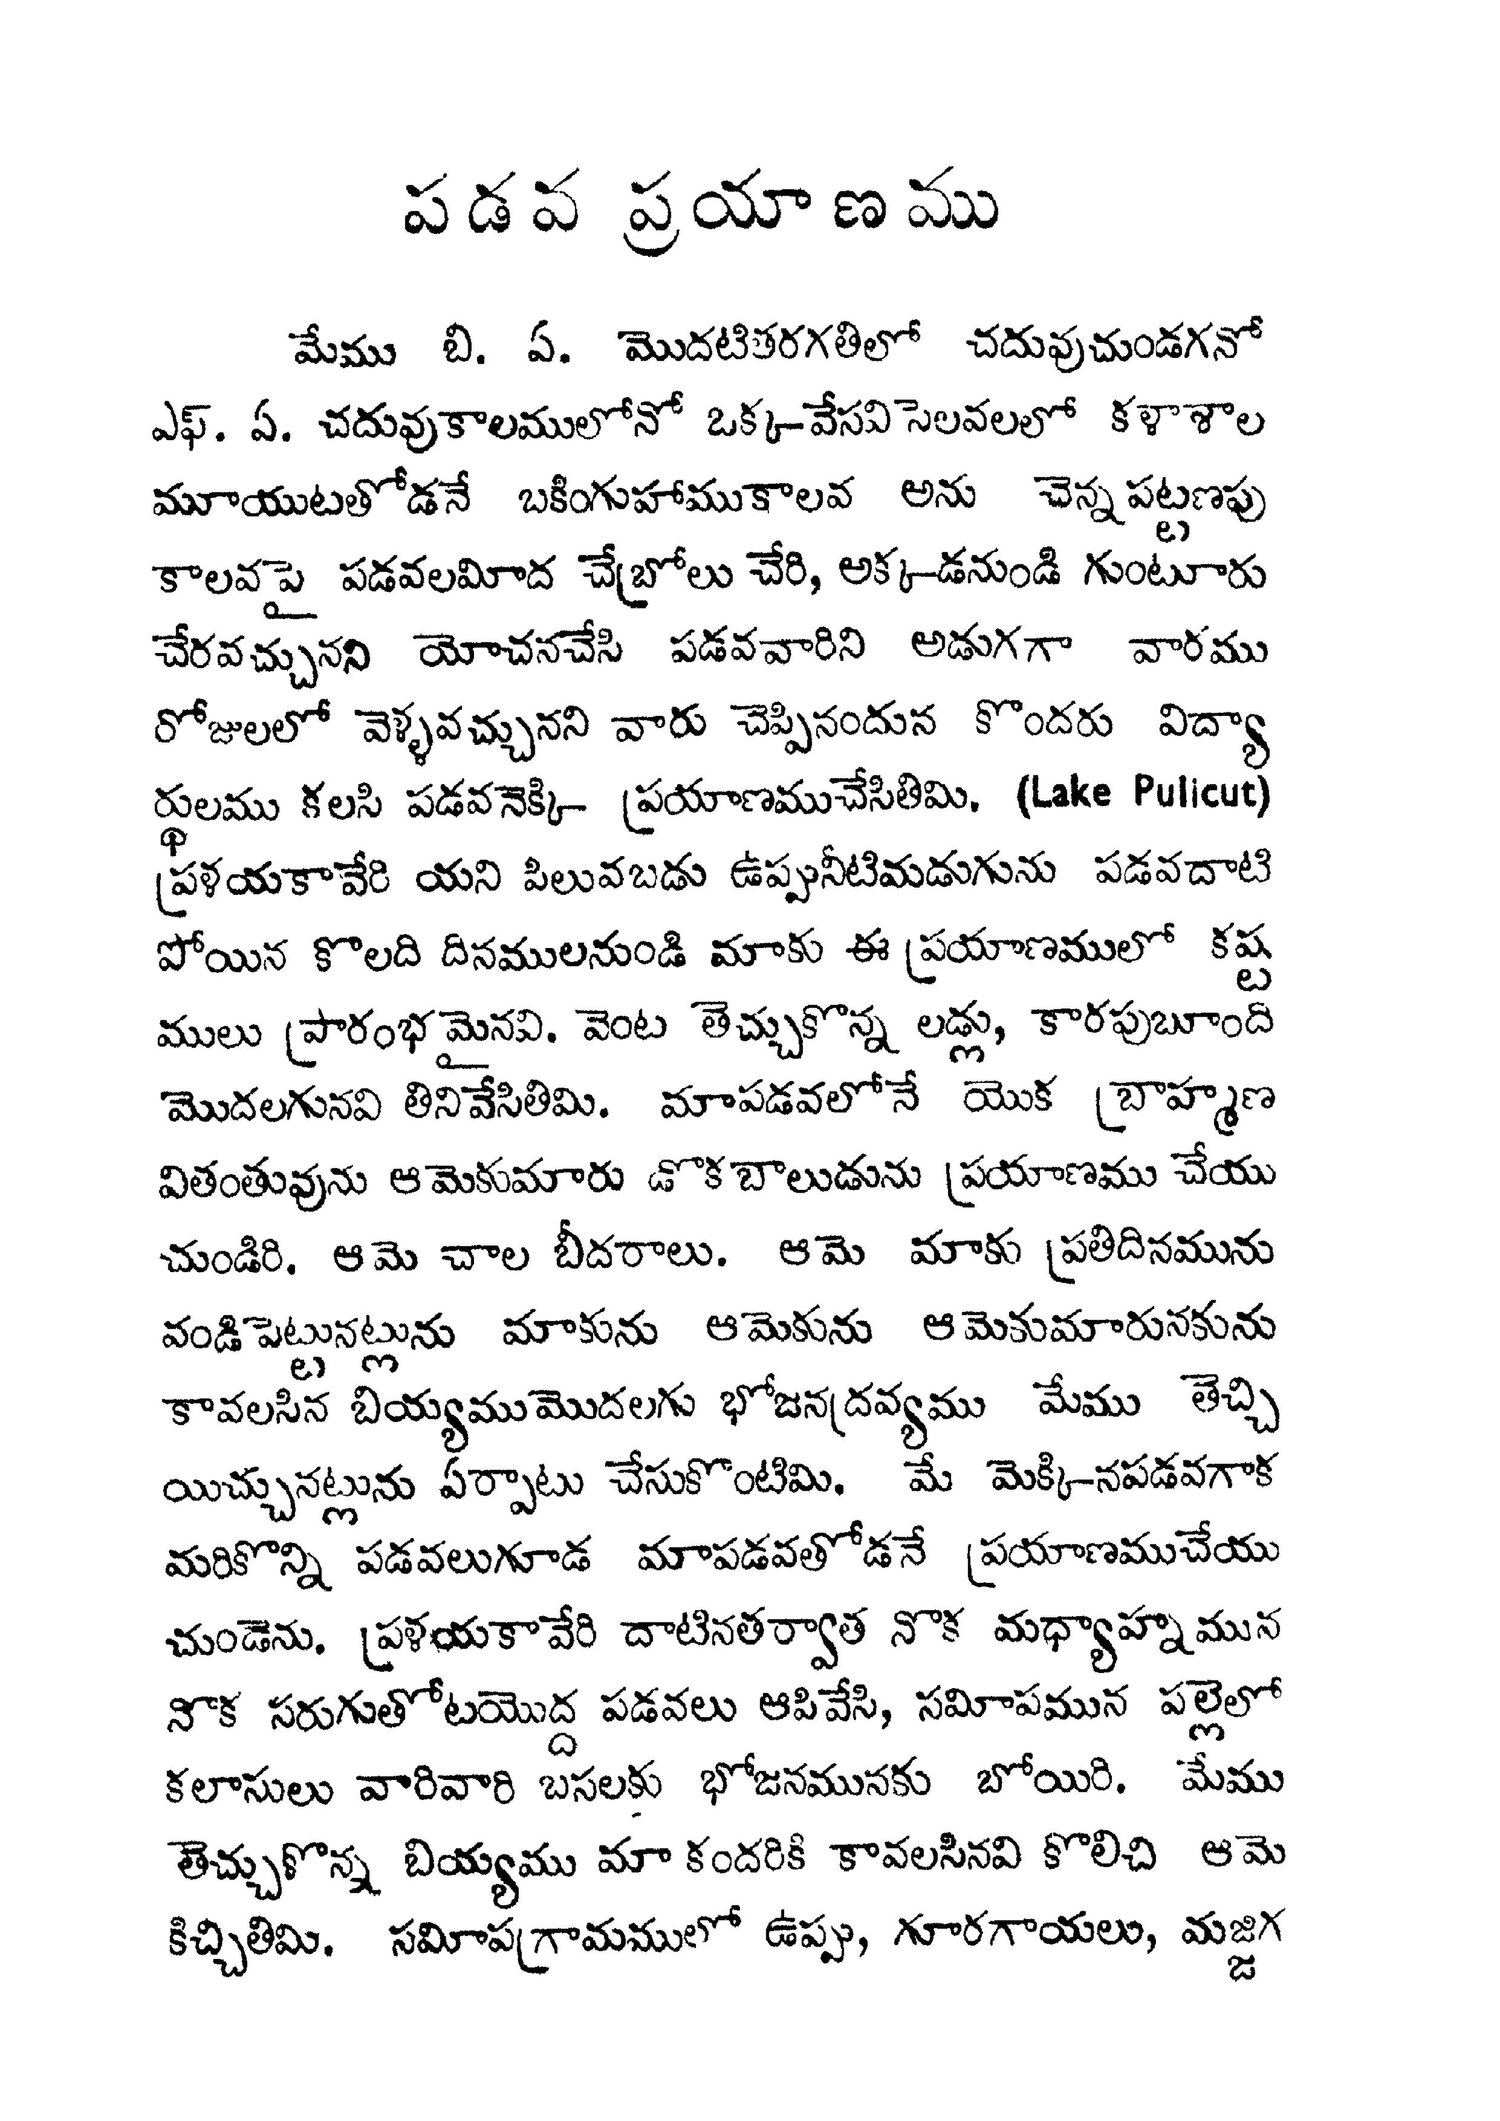మేము బి. ఏ. మొదటితరగతిలో చదువుచుండగనో ఎఫ్. ఏ. చదువుకాలములోనో ఒక్కవేసవిసెలవులలో కళాశాల మూయుటతోడనే బకింగుహాముకాలవ అను చెన్నపట్టణపు కాలవపై పడవలమీద చేబ్రోలుచేరి, అక్కడనుండి గుంటూరు చేరవచ్చునని యోచనచేసి పడవవారిని అడుగగా వారము రోజులలో వెళ్ళవచ్చునని వారు చెప్పినందున కొందరు విద్యార్థులము కలసి పడవనెక్కి ప్రయాణముచేసితిమి. (Lake Pulicut) ప్రళయకావేరి యని పిలువబడు ఉప్పునీటిమడుగును పడవదాటి పోయిన కొలది దినములనుండి మాకు ఈ ప్రయాణములో కష్టములు ప్రారంభమైనవి. వెంట తెచ్చుకొన్న లడ్లు, కారపుబూంది మొదలగునవి తినివేసితిమి. మాపడవలోనే యొక బ్రాహ్మణ వితంతువును ఆమెకుమారు డొకబాలుడును ప్రయాణము చేయుచుండిరి. ఆమె చాల బీదరాలు. ఆమె మాకు ప్రతిదినమును వండిపెట్టునట్లును మాకును ఆమెకును ఆమెకుమారునకును కావలసిన బియ్యము మొదలగు భోజనద్రవ్యము మేము తెచ్చి యిచ్చునట్లును ఏర్పాటు చేసుకొంటిమి. మే మెక్కినపడవగాక మరికొన్ని పడవలుగూడ మాపడవతోడనే ప్రయాణముచేయుచుండెను. ప్రళయకావేరి దాటినతర్వాత నొక మధ్యాహ్నమున నొక సరుగుతోటయొద్ద పడవలు ఆపివేసి, సమీపమున పల్లెలో కలాసులు వారివారి బసలకు భోజనమునకు బోయిరి. మేము తెచ్చుకొన్న బియ్యము మా కందరికి కావలసినవి కొలిచి ఆమె కిచ్చితిమి. సమీపగ్రామములో ఉప్పు, గూరగాయలు, మజ్జిగ